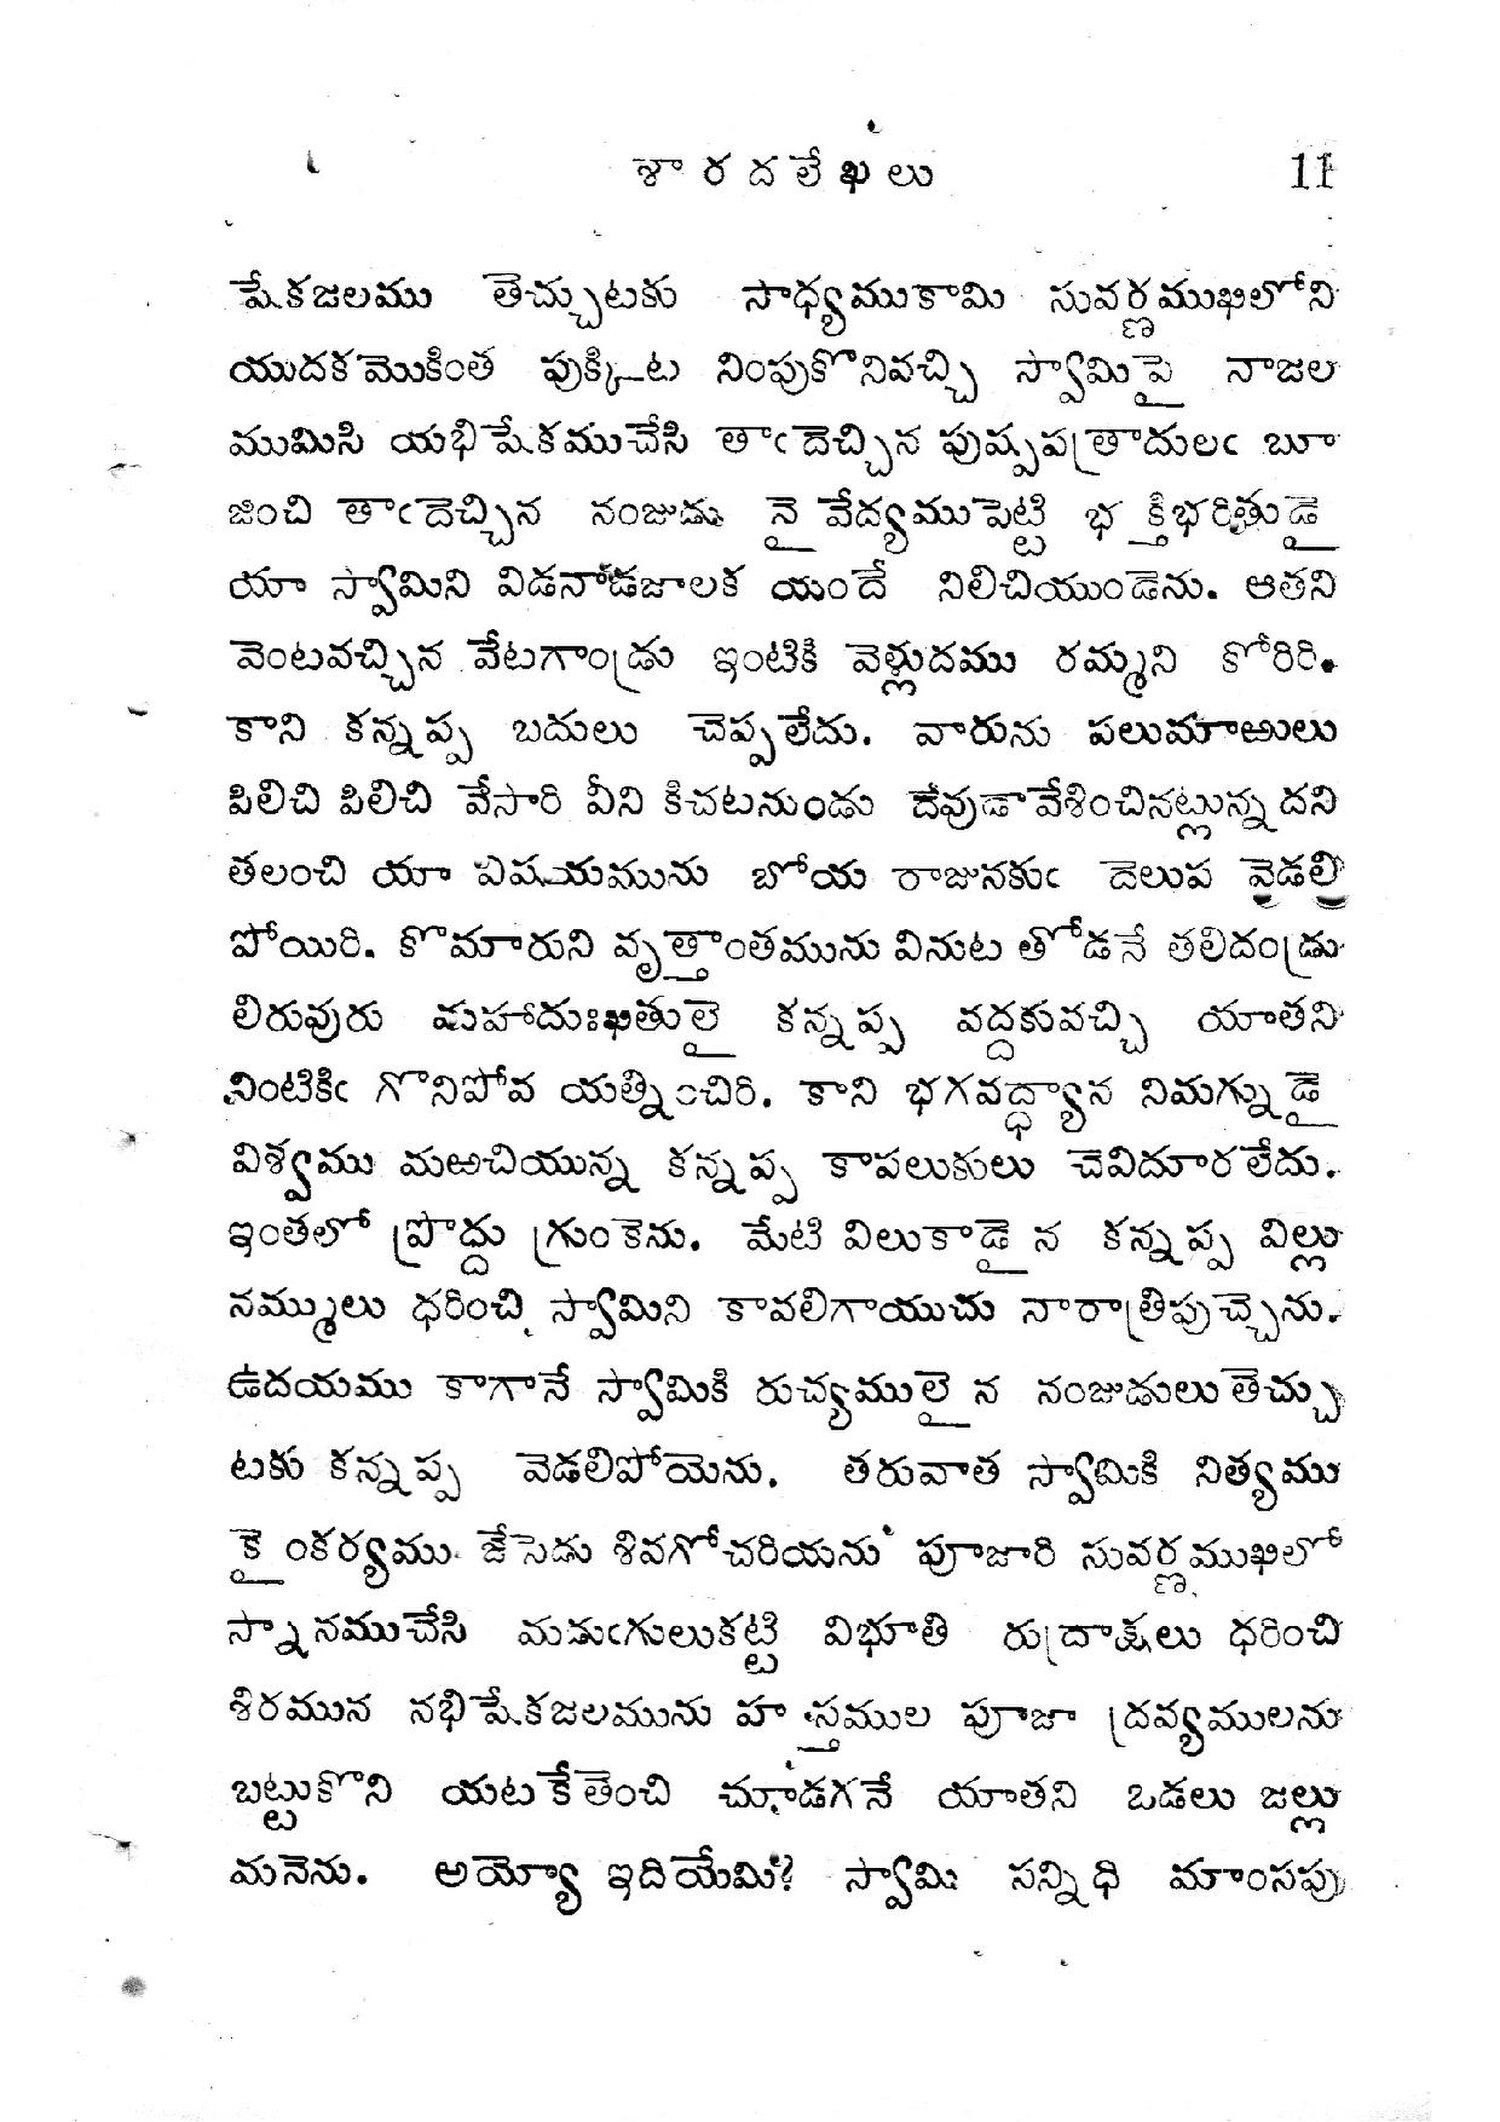షేకజలము తెచ్చుటకు సాధ్యముకామి సువర్ణముఖిలోని యుదకమొకింత పుక్కిట నింపుకొనివచ్చి స్వామిపై నాజల ముమిసి యభిషేకముచేసి తాఁదెచ్చిన పుష్పపత్రాదులఁ బూజించి తాఁదెచ్చిన నంజుడు నైవేద్యముపెట్టి భక్తిభరితుడై యా స్వామిని విడనాడజాలక యందే నిలిచియుండెను. ఆతని వెంటవచ్చిన వేటగాండ్రు ఇంటికి వెళ్లుదము రమ్మని కోరిరి. కాని కన్నప్ప బదులు చెప్పలేదు. వారును పలుమాఱులు పిలిచి పిలిచి వేసారి వీని కిచటనుండు దేవుడావేశించినట్లున్న దని తలంచి యా విషయమును బోయ రాజునకుఁ దెలుప వైడలి పోయిరి. కొమారుని వృత్తాంతమును వినుట తోడనే తలిదండ్రు లిరువురు మహాదుఃఖితులై కన్నప్ప వద్దకువచ్చి యాతని నింటికిఁ గొనిపోవ యత్నించిరి. కాని భగవద్ధ్యాన నిమగ్నుడై విశ్వము మఱచియున్న కన్నప్ప కాపలుకులు చెవిదూరలేదు. ఇంతలో ప్రొద్దు గ్రుంకెను. మేటి విలుకాడైన కన్నప్ప విల్లు నమ్ములు ధరించి స్వామిని కావలిగాయుచు నారాత్రిపుచ్చెను. ఉదయము కాగానే స్వామికి రుచ్యములైన నంజుడులు తెచ్చుటకు కన్నప్ప వెడలిపోయెను. తరువాత స్వామికి నిత్యము కైంకర్యము జేసెడు శివగోచరియను పూజారి సువర్ణముఖిలో స్నానముచేసి మడుఁగులుకట్టి విభూతి రుద్రాక్షలు ధరించి శిరమున నభిషేకజలమును హస్తముల పూజా ద్రవ్యములను బట్టుకొని యటకేతెంచి చూడగనే యాతని ఒడలు జల్లు మనెను. అయ్యో ఇదియేమి? స్వామి సన్నిధి మాంసపు